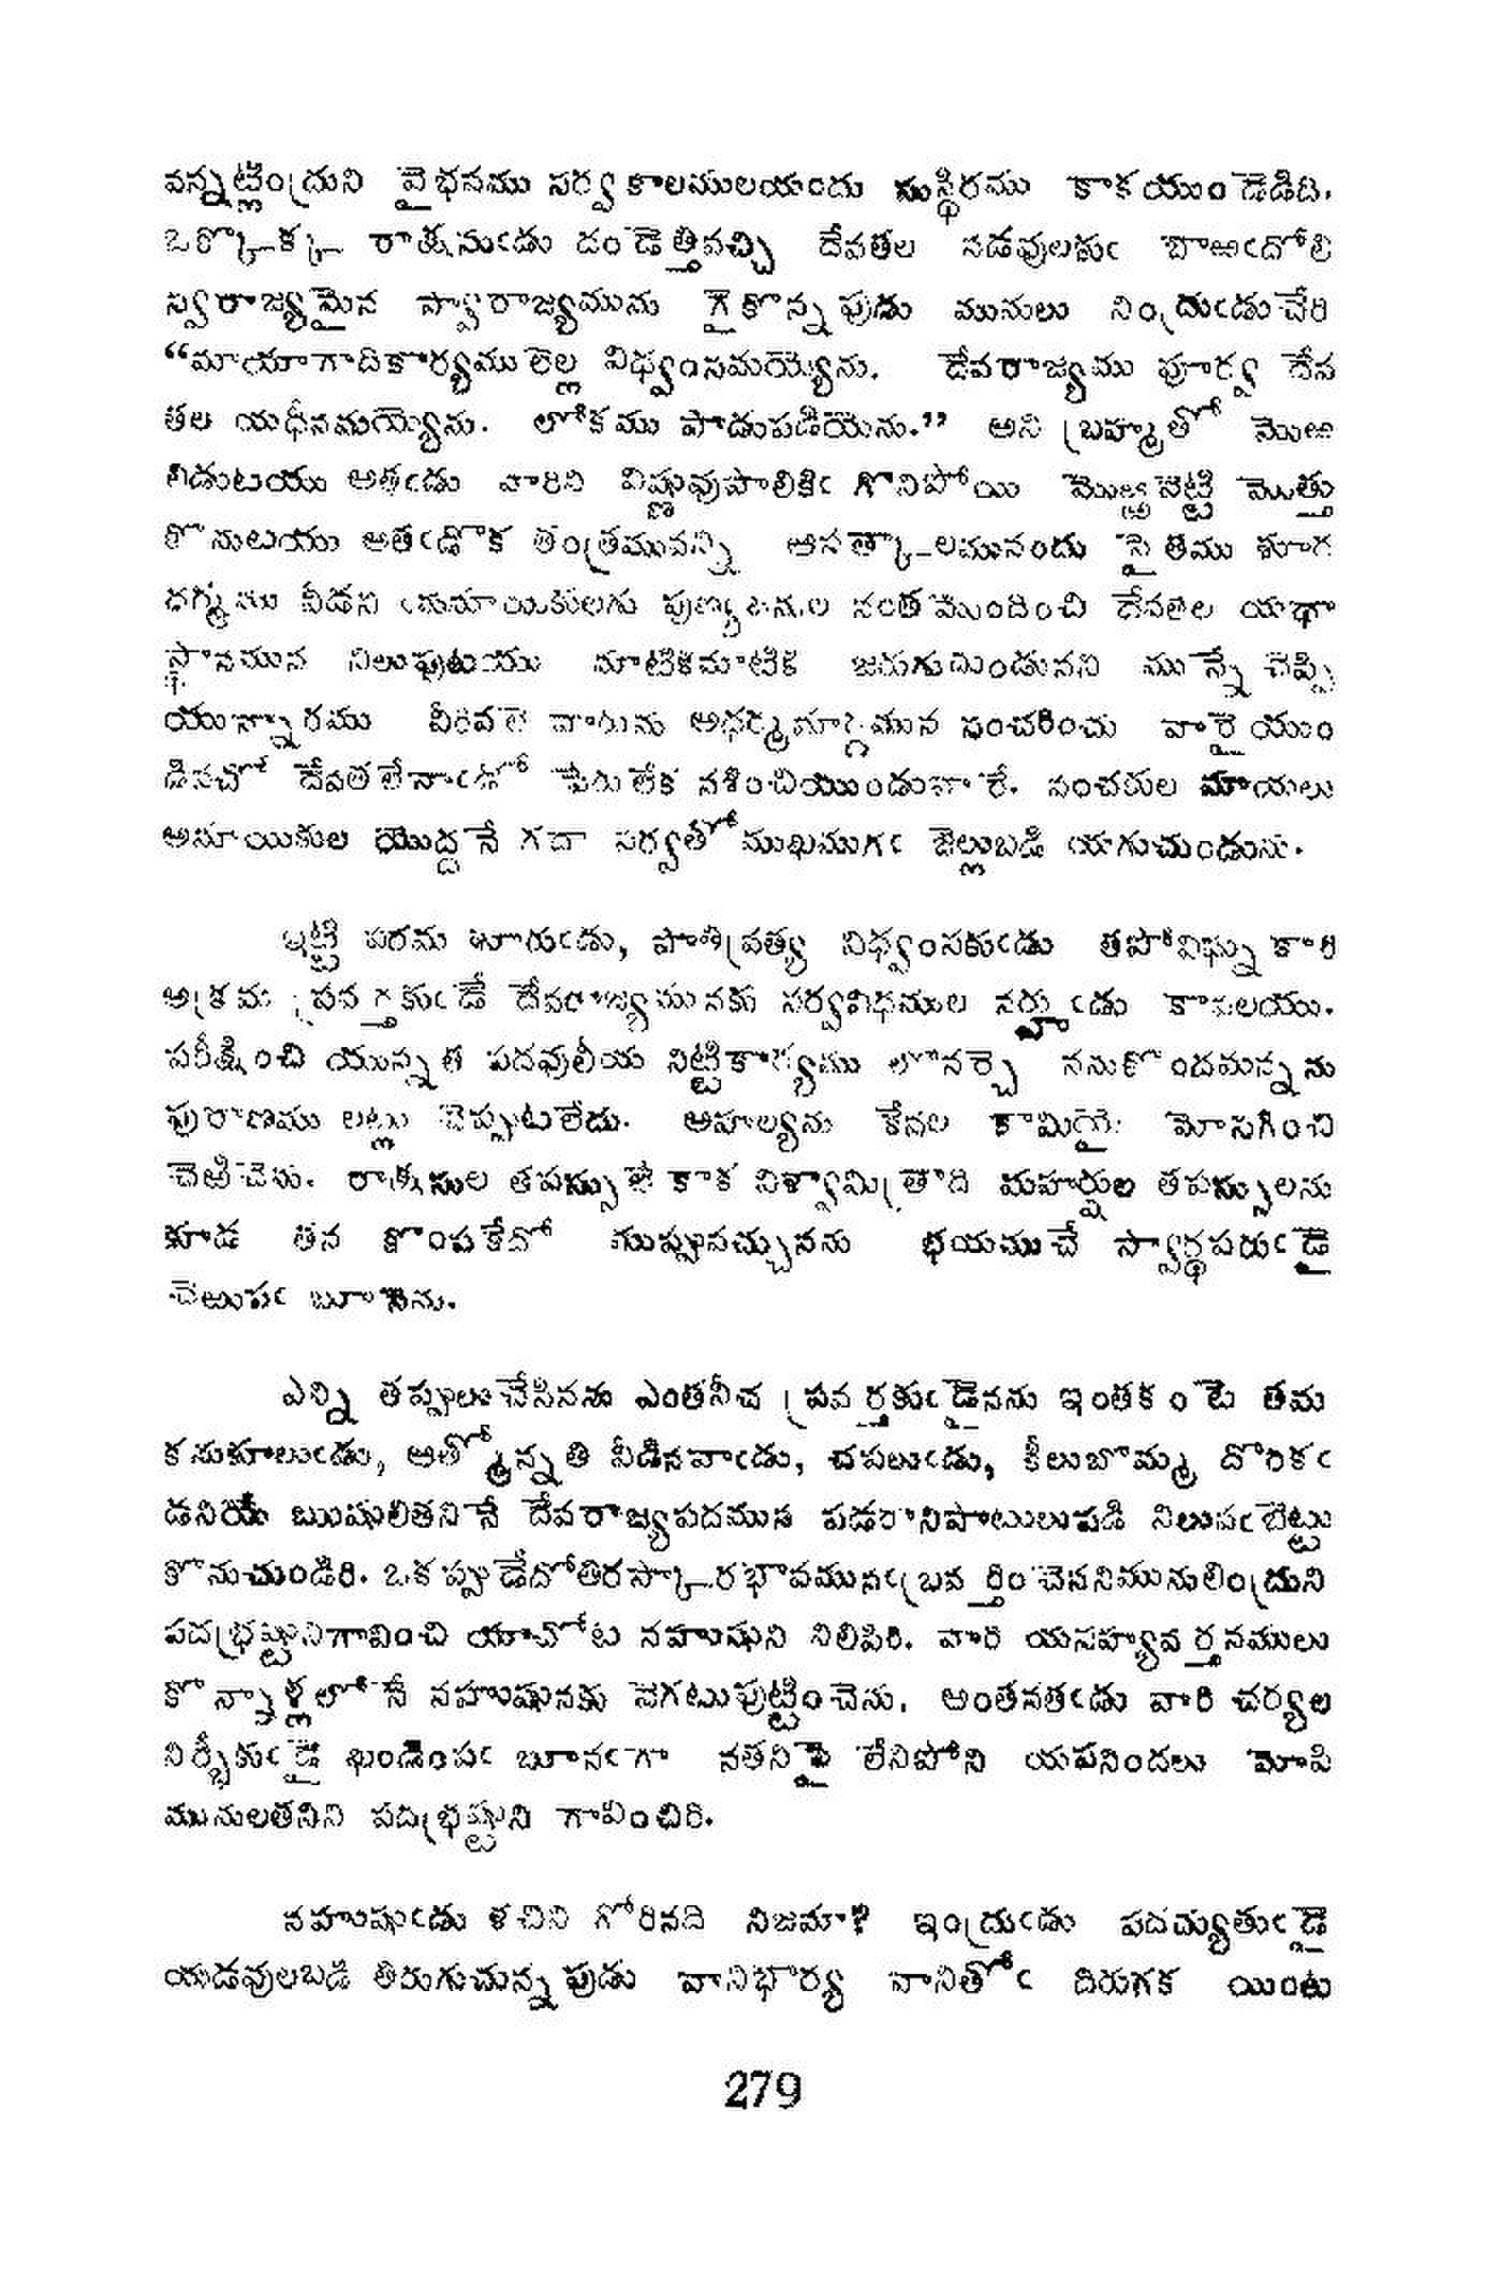నన్నట్లింద్రుని వైభవము సర్వకాలములయందు సుస్థిరము కాకయుండెడిది. ఒక్కొక్క రాక్షసుడు దండెత్తివచ్చి దేవతల్ నడవులకు బాఱదోలి స్వరాజ్యమైన స్వారాజ్యమును గైకొన్నపుడు మునులు నింద్రునిడుచేరి "మాయాగారికార్యము లెల్ల విధ్వంసమయ్యెను. దేవరాజ్యం పూర్వ దేవతల యధీనమయ్యెను. లోకము పాడుపడియెను." అనిబ్రహ్మతోమొఱలిడుటయు అతడు వారిని విష్ణువుపాలికి గొనిపోయి మొఱ్ఱవెట్టి మొత్తుకొనుటయు అతడొక తంత్రము పన్ని ఆసత్కాలము నందు సైతము శూరధర్మము నీడన యమాయాకులగు పుణ్యజనుల నంతమొందించి దేవతల యధాస్థానమున నిలుపుటయు సూటికిమాటికి జరుగు చుండునని మున్నే చెప్పి యున్నారము వీరివలె వాఱును అధర్మమార్గమున సంచరించు వారై యుండినచో దేవతలేనాడో పేరులేక నశించియుండువారే. వంచకుల మాయలు అమాయకుల యెద్దనే గదా సర్వతో ముఖముగ జెల్లుబడి యగుచుండును.
 ఇట్టి పరమ శూరుడు, పాతివ్రత్య విధ్వంసకుడు తపోనిష్నుకారి అక్రమ ప్రవర్త కుడే దేవతారాజ్యమునకు సర్వవిధముల నర్హుడు కావలయు. పరీక్షించి యున్నత పదవులీయ నిట్టికార్యము లొనర్చె ననుకొందమన్నను పురాణము లట్లు చెప్పుటలేదు. అహల్యకు కేవలం కామియై మొసగించి చెఱిచెను. రాక్షస్ల తపస్సులే కాక విశ్వామితాది మహర్షుల తపస్సులనుకూడ తన కొంప కేదో ముప్పువచ్చునను భయముచే స్వార్ధపరుడై చెఱప బూనెను.
 ఎన్ని తప్పులుచేసినను ఎంతనీచ ప్రవర్తకుడైనను ఇంతకంటె తమ కను కూలుడు, ఆత్మోన్నతి వీడినవాడ్, చసలుడు, కీలుబొమ్మ దొరకడనియే ఋషు లితనినే దేవరాజ్యపదమున పడరానిపాటులుపడి నిలువబెట్టుకొనుచుండిరి. ఓకప్పుడేదోతిరస్కారభావమునబ్రవర్రించెననిమునులింద్రుని పదభ్రష్ణునిగావించి యాచోట నహుషుని నిలిపిరి. వారి యష్యవర్తనములు కొన్నాళ్లలోనే నహుషు నకు వెగటుపుట్టించెను. అంతనతడు వారి చర్యల నిర్బీకుడై ఖండింప బూనగా నతనిపై లేనిపోని యపనిందలు మోపి మునులతని పదభ్రష్టుని గావించిరి.
 నహుషుడు శచిని గొరినది నిజమా? ఇంద్రుడు పదచ్యుతుడై యడవులబడి తిరుగుచున్నప్పుడు వానిభార్య వానితో దిరుగక యింట